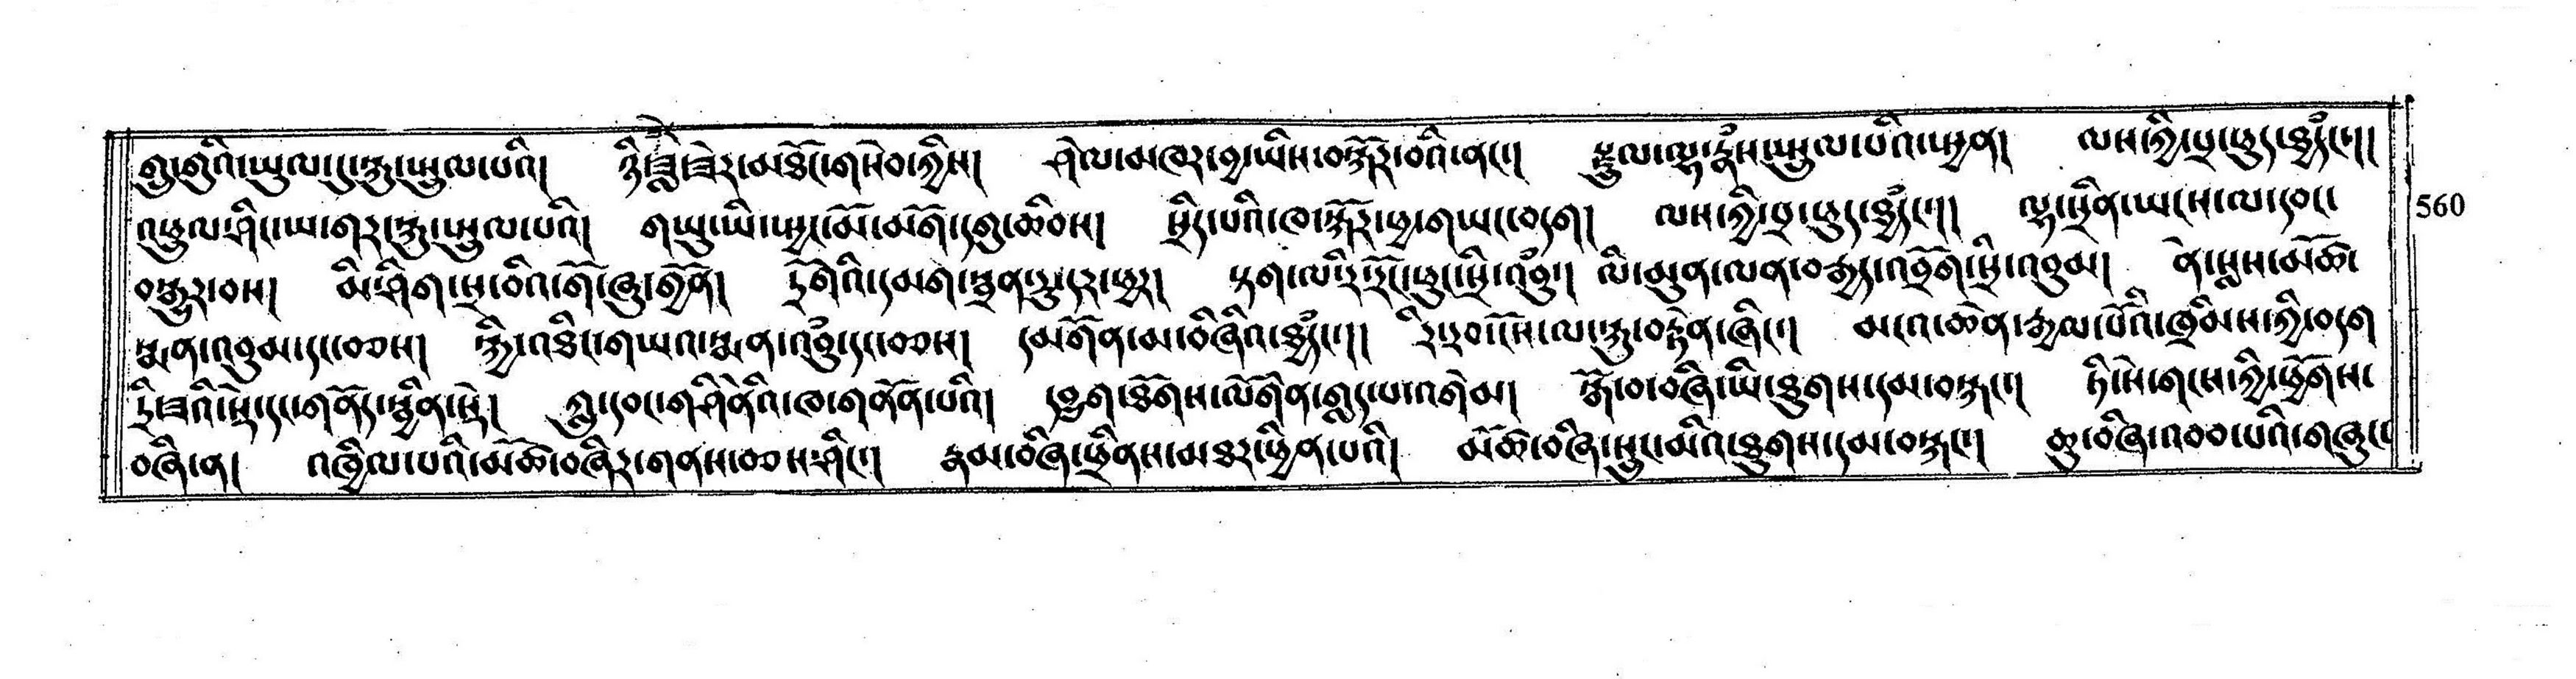གྲུ་གུའི་ཡུལ་དུ་སྐུ་སྤྲུལ་པའི། ཉི་ཟེར་ཟླ་ཟེར་མཐོང་གསེབ་ཀྱིས། ཤེལ་མཁར་བྱ་ཡིས་བསྐོར་བའི་ནང་། རྫུ་འཕྲུལ་ལྷ་རྣམས་སྤྲུལ་པའི་སྤྱན། ལས་ཀྱི་པྲ་ཕུད་ཐུགས་དམ་བསྐང་།། 
འཕྲུལ་ཤིང་ཡ་གར་སྐུ་སྤྲུལ་པའི། གཡུ་ཡི་སྤྱང་མོ་མགོ་དགུ་ཆིབས། སྲིད་པའི་ཁ་སྐོར་ཕྱ་གཡང་བདག ལས་ཀྱི་པྲ་ཕུད་ཐུགས་དམ་བསྐང་།། ལྷ་སྲིན་ཡངས་ལ་དབང་
བསྒྱུར་བས། མི་ཤིག་སྲ་བའི་གོ་ཞུ་གྱོན། དྲག་པོའི་དམག་སྦྲན་རུ་དར་ཕྱར། སྟག་ལ་རི་རོང་ཕུང་སྲི་འབུམ། མི་མུན་ལན་བརྒྱད་འབྲོག་སྲི་འབུམ། ནེ་སླས་མཚོ་
སྨན་འབུམ་དང་བཅས། སྐྱི་འཐིང་གཡའ་སྨན་འབུམ་དང་བཅས། དམག་དཔོན་མ་བཞིའི་ཐུགས་དམ་བསྐང་།། རི་རབ་ངོས་ལ་སྐུ་བརྟེན་ཞིང་། མངའ་ཆེན་རྒྱལ་པོའི་ཁྲིམས་ཀྱི་བདག། 
དྲི་ཟའི་སྡེ་དང་གནོད་སྦྱིན་སྡེ། ཀླུ་དབང་གཤིན་རྗེའི་ཁ་གནོན་པའི། དབྱུག་ཐོགས་ལོག་ཆེན་གླད་པ་འགེམ། སྒོ་བ་བཞི་ཡི་ཐུགས་དམ་བསྐང་། ཏི་སེ་གངས་ཀྱི་ཕྱོགས་
བཞི་ན། འཁྱིལ་པའི་མཚོ་བཞིར་གནས་བཅས་ཤིང་། རྣམ་བཞི་ཕྲིན་ལས་མཐར་ཕྱིན་པའི། མཚོ་བཞི་སྲུང་མའི་ཐུགས་དམ་བསྐང་། ཆུ་བཞི་འབབ་པའི་གཞུང་